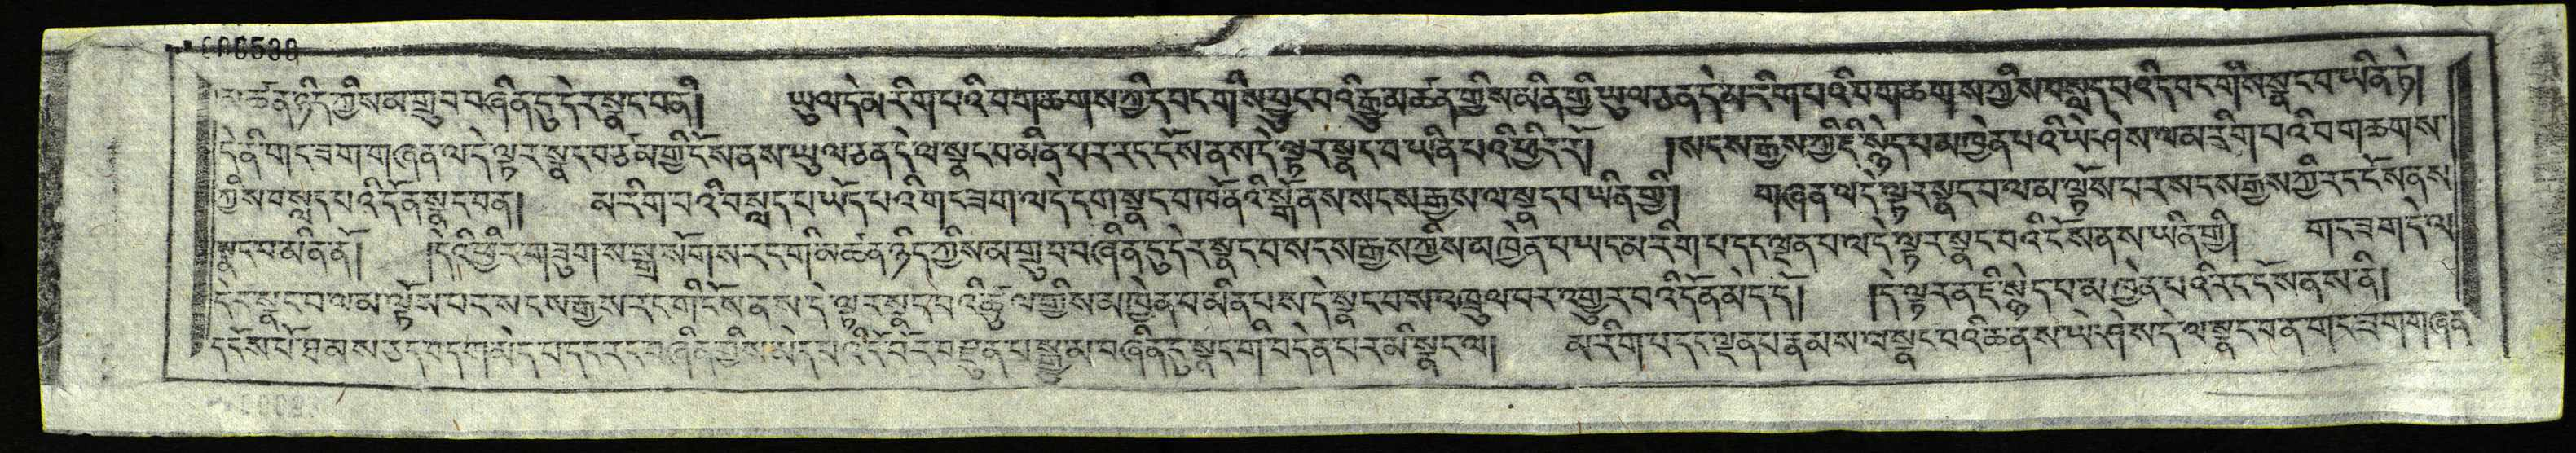མཚན་ཉིད་ཀྱིས་མ་གྲུབ་བཞིན་དུ་དེར་སྣང་བ་ནི། ཡུལ་དེ་མ་རིག་པའི་བག་ཆགས་ཀྱི་དབང་གིས་བྱུང་བའི་རྒྱུ་མཚན་གྱིས་མིན་གྱི་ཡུལ་ཅན་དེ་མ་རིག་པའི་བག་ཆགས་ཀྱིས་བསླད་པའི་དབང་གིས་སྣང་བ་ཡིན་ཏེ།
དེ་ནི་གང་ཟག་གཞན་ལ་དེ་ལྟར་སྣང་བ་ཙམ་གྱི་ངོས་ནས་ཡུལ་ཅན་དེ་ལ་སྣང་བ་མིན་པར་རང་ངོས་ནས་དེ་ལྟར་སྣང་བ་ཡིན་པའི་ཕྱིར་རོ། །སངས་རྒྱས་ཀྱི་ཇི་སྙེད་པ་མཁྱེན་པའི་ཡེ་ཤེས་ལ་མ་རིག་པའི་བག་ཆགས་
ཀྱིས་བསླད་པའི་དོན་སྣང་བ་ན། མ་རིག་པའི་བསླད་པ་ཡོད་པའི་གང་ཟག་ལ་དེ་དག་སྣང་བ་ཁོ་ནའི་སྒོ་ནས་སངས་རྒྱས་ལ་སྣང་བ་ཡིན་གྱི། གཞན་ལ་དེ་ལྟར་སྣང་བ་ལ་མ་ལྟོས་པར་སངས་རྒྱས་ཀྱི་རང་ངོས་ནས་
སྣང་བ་མིན་ནོ། །དེའི་ཕྱིར་གཟུགས་སྒྲ་སོགས་རང་གི་མཚན་ཉིད་ཀྱིས་མ་གྲུབ་བཞིན་དུ་དེར་སྣང་བ་སངས་རྒྱས་ཀྱིས་མཁྱེན་པ་ཡང་མ་རིག་པ་དང་ལྡན་པ་ལ་དེ་ལྟར་སྣང་བའི་ངོས་ནས་ཡིན་གྱི། གང་ཟག་དེ་ལ་
དེར་སྣང་བ་ལ་མ་ལྟོས་པར་སངས་རྒྱས་རང་གི་ངོས་ནས་དེ་ལྟར་སྣང་བའི་ཚུལ་གྱིས་མཁྱེན་པ་མིན་པས་དེ་སྣང་བས་འཁྲུལ་བར་འགྱུར་བའི་དོན་མེད་དོ། །དེ་ལྟར་ན་ཇི་སྙེད་པ་མཁྱེན་པའི་རང་ངོས་ནས་ནི།
དངོས་པོ་ཐམས་ཅད་བདག་མེད་པ་དང་རང་བཞིན་གྱིས་མེད་པའི་ངོ་བོར་བརྫུན་པ་སྒྱུ་མ་བཞིན་དུ་སྣང་གི་བདེན་པར་མི་སྣང་ལ། མ་རིག་པ་དང་ལྡན་པ་རྣམས་ལ་སྣང་བའི་ཆ་ནས་ཡེ་ཤེས་དེ་ལ་སྣང་བ་ན་གང་ཟག་གཞན་